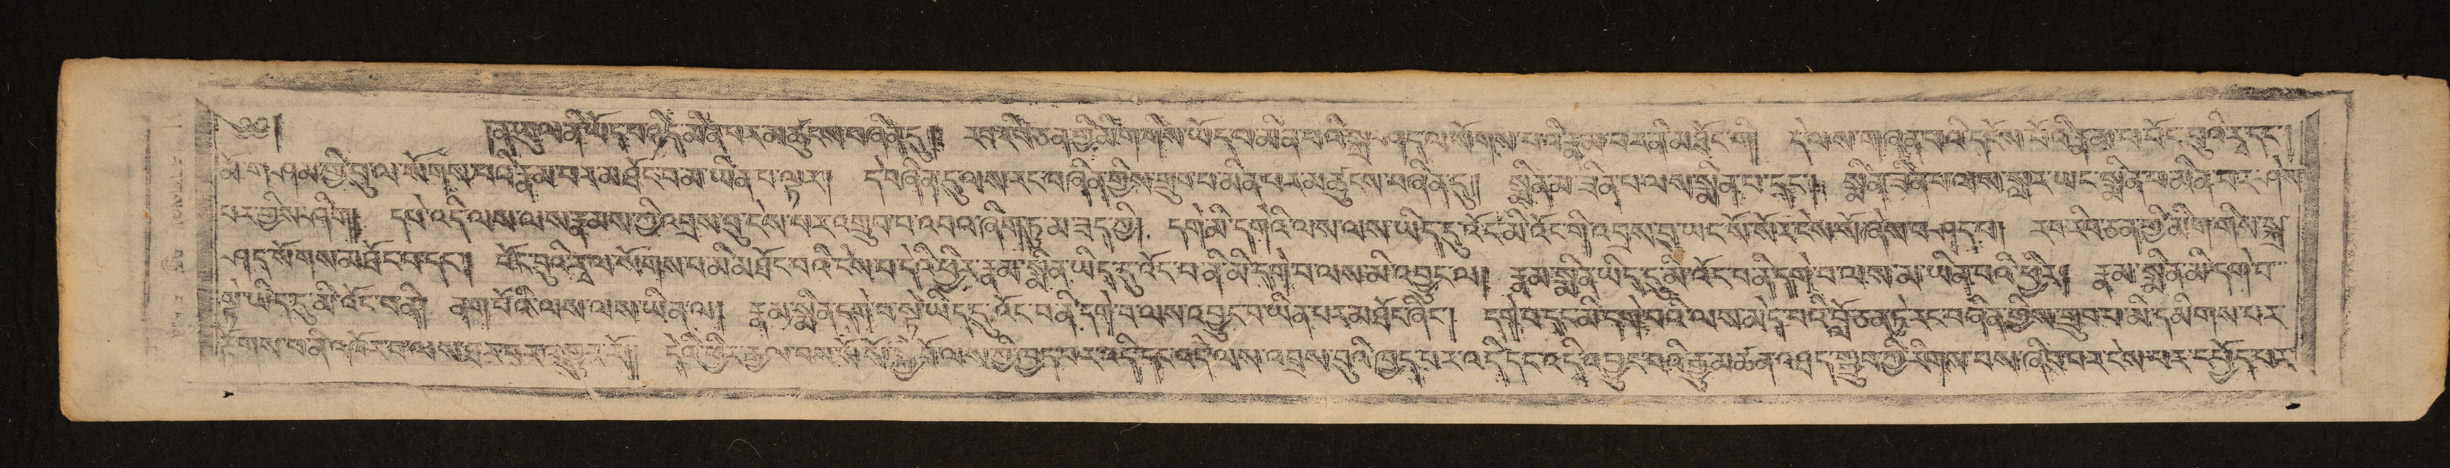༄༅། །ན་ཡུལ་ནི་ཡོད་པ་ཉིད་མིན་པར་མཚུངས་བཞིན་དུ། རབ་རིབ་ཅན་གྱི་མིག་གིས་ཡོད་པ་མིན་པའི་སྐྲ་ཤད་ལ་སོགས་པའི་རྣམ་པར་ནི་མཐོང་གི། དེ་ལས་གཞན་པའི་དངོས་པོའི་རྣམ་པ་བོང་བུའི་རྭ་དང་།
མོ་གཤམ་གྱི་བུ་ལ་སོགས་པའི་རྣམ་པར་མཐོང་བ་མ་ཡིན་པ་ལྟར། དེ་བཞིན་དུ་ལས་རང་བཞིན་གྱིས་གྲུབ་པ་མིན་པར་མཚུངས་བཞིན་དུ། སྨིན་མ་ཟིན་པ་ལས་སྨིན་པ་དང་། སྨིན་ཟིན་པ་ལས་སླར་ཡང་སྨིན་པ་མིན་པར་ཤེས་
པར་གྱིས་ཤིག། དཔེ་འདི་ལས་ལས་རྣམས་ཀྱི་འབྲས་བུ་ངེས་པར་འགྲུབ་པ་འབའ་ཞིག་ཏུ་མ་ཟད་ཀྱི། དགེ་མི་དགེའི་ལས་ལས་ཡིད་དུ་འོང་མི་འོང་གི་འབྲས་བུ་ཡང་སོ་སོར་ངེས་སོ་ཞེས་བཤད་པ། རབ་རིབ་ཅན་གྱི་མིག་གིས་སྐྲ་
ཤད་སོགས་མཐོང་བ་དང་། བོང་བུའི་རྭ་ལ་སོགས་པ་མི་མཐོང་བའི་ངེས་པ་དེའི་ཕྱིར་རྣམ་སྨིན་ཡིད་དུ་འོང་བ་ནི་མི་དགེ་བ་ལས་མི་འབྱུང་ལ། རྣམ་སྨིན་ཡིད་དུ་མི་འོང་བ་ནི་དགེ་བ་ལས་མ་ཡིན་པའི་ཕྱིར། རྣམ་སྨིན་མི་དགེ་བ་
སྟེ་ཡིད་དུ་མི་འོང་བ་ནི། ནག་པོའི་ལས་ལས་ཡིན་ལ། རྣམ་སྨིན་དགེ་བ་སྟེ་ཡིད་དུ་འོང་བ་ནི་དགེ་བ་ལས་འབྱུང་བ་ཡིན་པར་མཐོང་ཞིང་། དགེ་བ་དང་མི་དགེ་བའི་ལས་མེད་པའི་བློ་ཅན་ཏེ་རང་བཞིན་གྱིས་གྲུབ་པ་མི་དམིགས་པར་
རྟོགས་པ་ནི་འཁོར་བ་ལས་ཐར་བར་འགྱུར་རོ།། དེའི་ཕྱིར་རྒྱལ་བས་སོ་སོ་སྐྱེ་བོ་ལས་ཀྱི་ཁྱད་པར་འདི་དང་འདི་ལས་འབྲས་བུའི་ཁྱད་པར་འདི་དང་འདི་འབྱུང་བའི་རྒྱུ་མཚན་འཐད་སྒྲུབ་ཀྱི་རིགས་པས་ཞིབ་པར་ངེས་པར་དཔྱོད་པར་